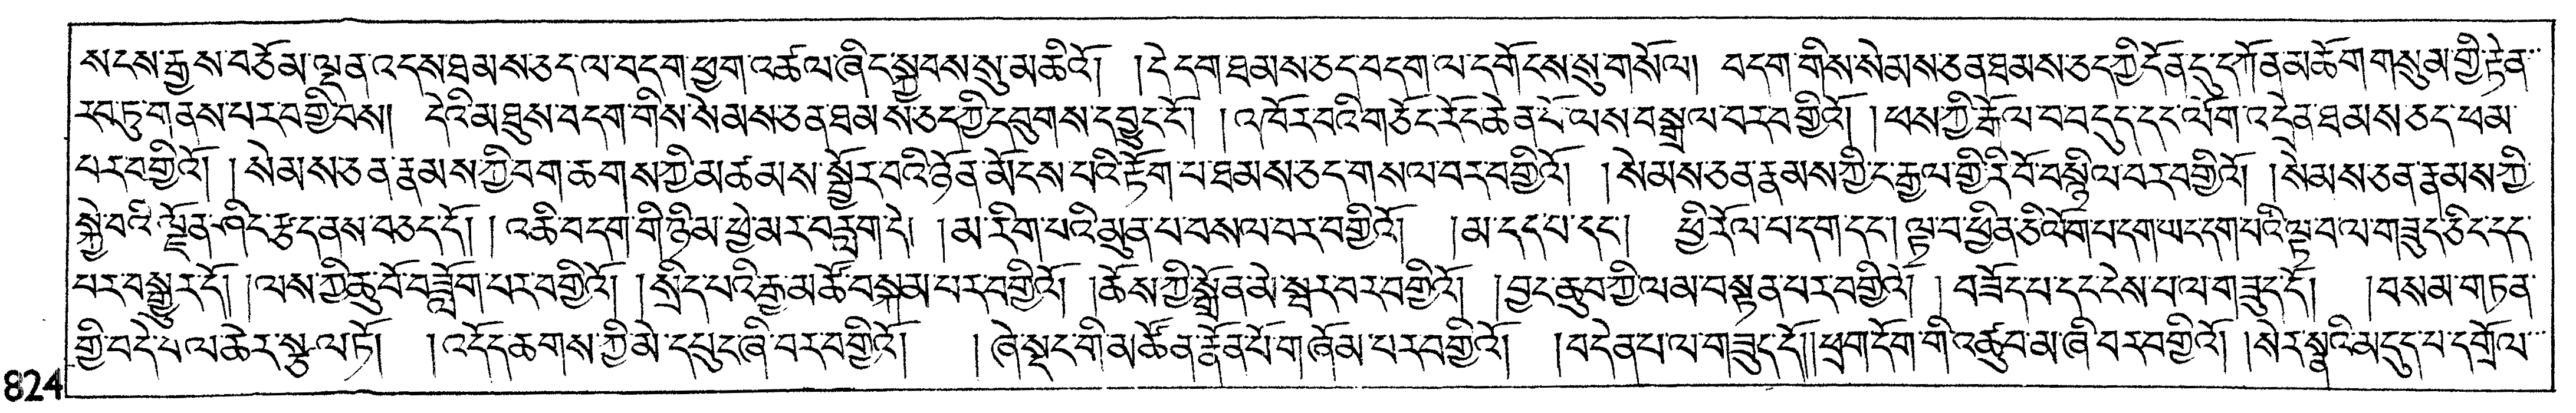སངས་རྒྱས་བཅོམ་ལྡན་འདས་ཐམས་ཅད་ལ་བདག་ཕྱག་འཚལ་ཞིང་སྐྱབས་སུ་མཆིའོ། །དེ་དག་ཐམས་ཅད་བདག་ལ་དགོངས་སུ་གསོལ། བདག་གིས་སེམས་ཅན་ཐམས་ཅད་ཀྱི་དོན་དུ་དཀོན་མཆོག་གསུམ་གྱི་རྟེན་
རབ་ཏུ་གནས་པར་བགྱི་བས། དེའི་མཐུས་བདག་གིས་སེམས་ཅན་ཐམས་ཅད་ཀྱི་དབུགས་དབྱུང་ངོ། །འཁོར་བའི་གཅོང་རོང་ཆེན་པོ་ལས་བསྒྲལ་བར་བགྱིའོ། །ཕས་ཀྱི་རྒོལ་བ་བདུད་དང་ལོག་འདྲེན་ཐམས་ཅད་ཕམ་
པར་བགྱིའོ། །སེམས་ཅན་རྣམས་ཀྱི་བག་ཆགས་ཀྱི་མཚམས་སྦྱོར་བའི་ཉོན་མོངས་པའི་རྟོག་པ་ཐམས་ཅད་གསལ་བར་བགྱིའོ། །སེམས་ཅན་རྣམས་ཀྱི་ང་རྒྱལ་གྱི་རི་བོ་བསྙིལ་བར་བགྱིའོ། །སེམས་ཅན་རྣམས་ཀྱི་
སྐྱེ་བའི་ལྗོན་ཤིང་རྩད་ནས་བཅད་དོ། །འཆི་བདག་གི་ཉི་མ་ཕྱེ་མར་བརླག་དེ། །མ་རིག་པའི་མུན་པ་བསལ་བར་བགྱིའོ། །མ་དད་པ་དང་། ཕྱི་རོལ་པ་དག་དང་། ལྟ་བ་ཕྱིན་ཅི་ལོག་པ་དག་ཡང་དག་པའི་ལྟ་བ་ལ་གཟུད་ཅིང་དད་
པར་བསྒྱུར་དོ། །ལས་ཀྱི་ཆུ་བོ་བཟློག་པར་བགྱིའོ། །སྲིད་པའི་རྒྱ་མཚོ་བསྐམ་པར་བགྱིའོ། །ཆོས་ཀྱི་སྒྲོན་མེ་སྦར་བར་བགྱིའོ། །བྱང་ཆུབ་ཀྱི་ལམ་བསྟན་པར་བགྱིའོ། །བཟོད་པ་དང་ངེས་པ་ལ་གཟུད་དོ། །བསམ་གཏན་
གྱི་བདེ་བ་ལ་ཆེར་སྩལ་ཏོ། །འདོད་ཆགས་ཀྱི་མེ་དཔུང་ཞི་བར་བགྱིའོ། །ཞེ་སྡང་གི་མཚོན་རྣོན་པོ་གཞོམ་པར་བགྱིའོ། །བདེན་པ་ལ་གཟུད་དོ། །ཕྲག་དོག་གི་འཚུབ་མ་ཞི་བར་བགྱིའོ། །སེར་སྣའི་མདུད་པ་དགྲོལ་